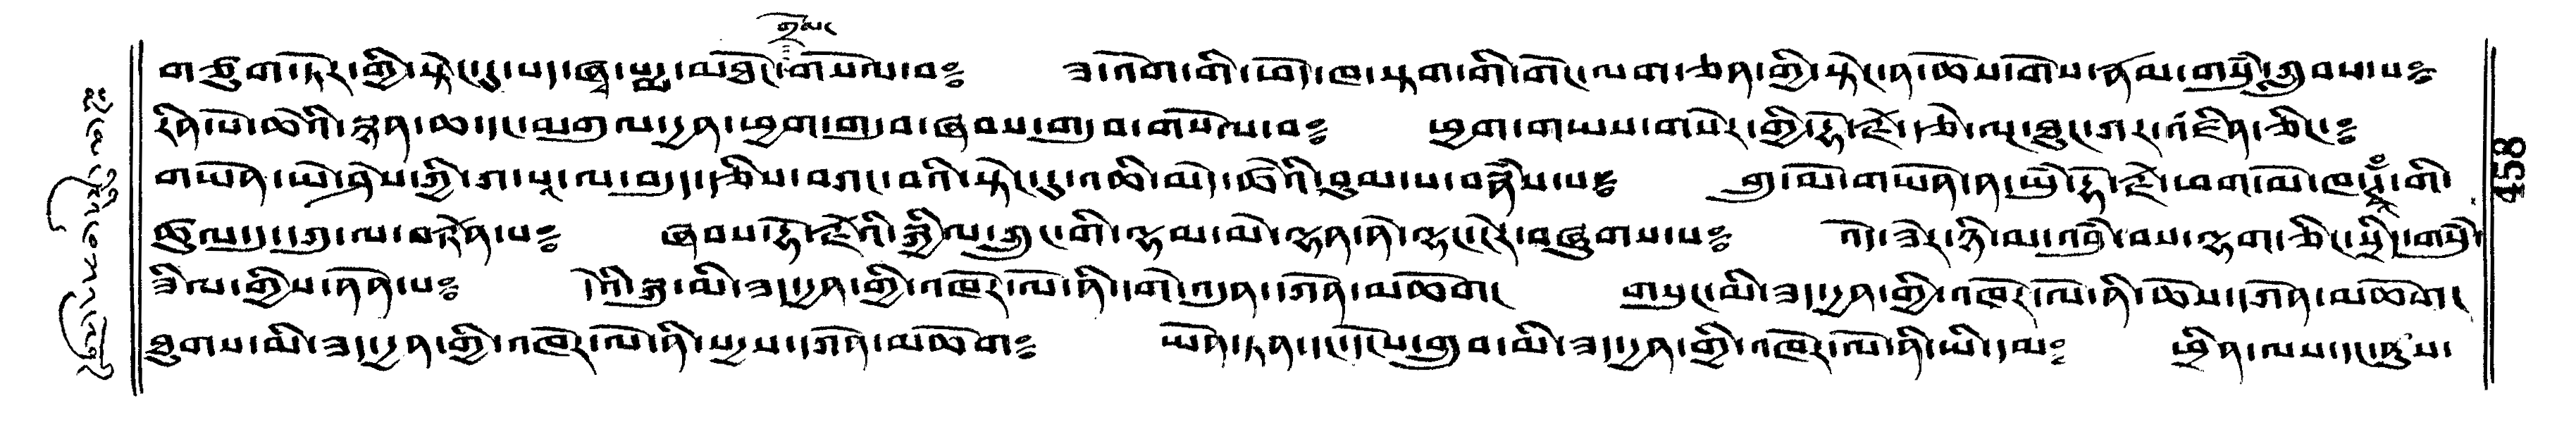གཙུག་ཏོར་གྱི་སྟེང་དུ་པད་ཞྭ་པདྨ་མཐོང་གྲོལ་གསོལ་བ༔ ཟ་འོག་གི་ཕོད་ཁ་སྟག་གི་གོང་ལག་ཅན་གྱི་སྟེང་ན་ཆོས་གོས་རྣམ་གསུམ་ཀླུབས་པ༔ 
རིན་པོ་ཆེའི་སྙན་ཆ་དང་མགུལ་རྒྱན་ཕྱག་གདུབ་ཞབས་གདུབ་གསོལ་བ༔ ཕྱག་གཡས་གསེར་གྱི་རྡོ་རྗེ་རྩེ་ལྔ་ཐུགས་ཀར་འཛིན་ཞིང༔ 
གཡོན་ཡེ་ཤེས་ཀྱི་ཀ་པཱ་ལ་བདུད་རྩིས་བཀང་བའི་སྟེང་དུ་འཆི་མེད་ཚེའི་བུམ་པ་བསྣམས་པ༔ གྲུ་མོ་གཡོན་ན་ཡུམ་རྡོ་རྗེ་ཕག་མོ་ཁ་ཊྭྃ་གི་
ཚུལ་དུ་དཀུ་ལ་བརྟེན་པ༔ ཞབས་རྡོ་རྗེའི་སྐྱིལ་ཀྲུང་གི་ལྷམ་མེ་ལྷན་ནེ་ལྷང་ངེར་བཞུགས་པ༔ འོར་ཟེར་ཉི་མ་འབུམ་ལས་ལྷག་ཅིང་སྲིད་གསུམ་
ཟིལ་གྱིས་ནོན་པ༔ དེའི་སྐུ་མི་ཟད་རྒྱན་གྱི་འཁོར་ལོ་ནི་དགེ་འདུན་དཀོན་མཆོག༔ གསུང་མི་ཟད་རྒྱན་གྱི་འཁོར་ལོ་ནི་ཆོས་དཀོན་མཆོག༔ 
ཐུགས་མི་ཟད་རྒྱན་གྱི་འཁོར་ལོ་ནི་སངས་རྒྱས་དཀོན་མཆོག༔ ཡོན་ཏན་དང་དངོས་གྲུབ་མི་ཟད་རྒྱན་གྱི་འཁོར་ལོ་ནི་ཡི་དམ༔ ཕྲིན་ལས་དང་ནུས་